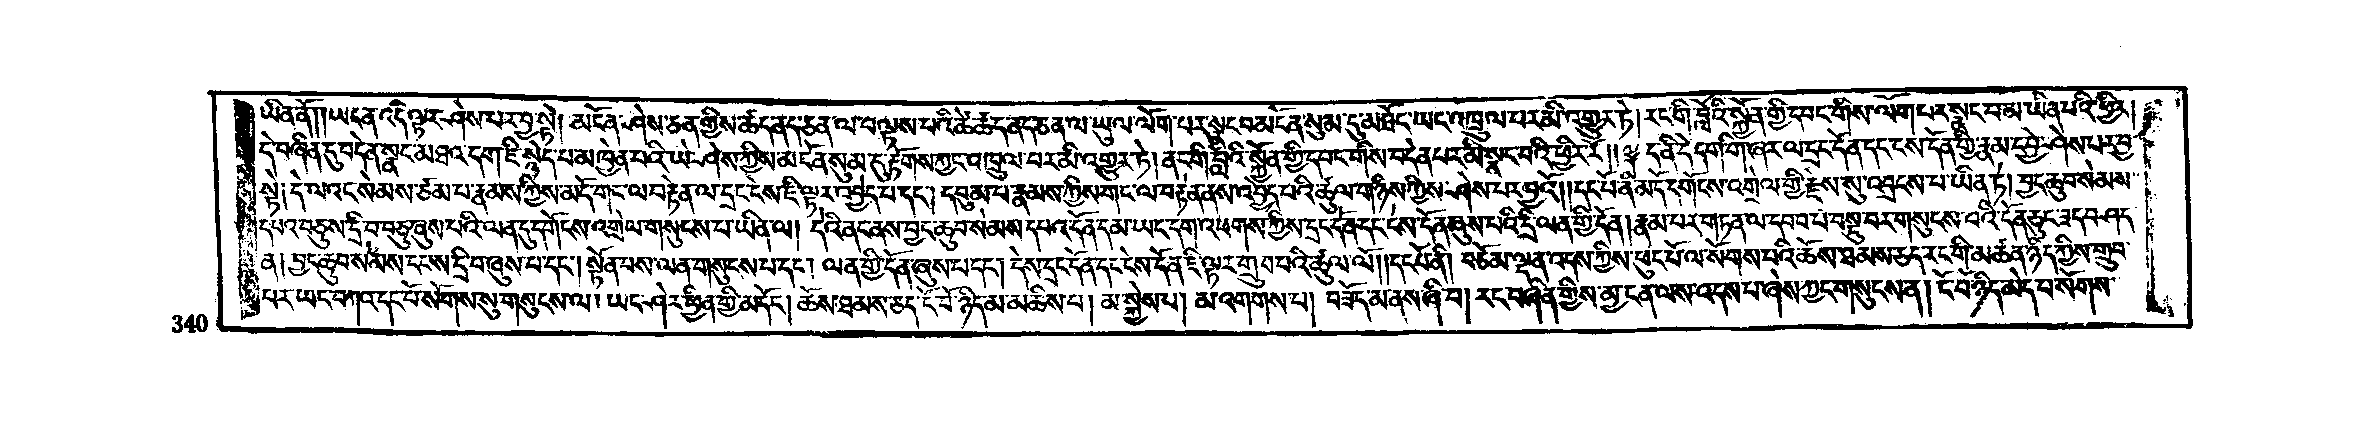ཡིན་ནོ། །ཡང་ན་འདི་ལྟར་ཤེས་པར་བྱ་སྟེ། མངོན་ཤེས་ཅན་གྱིས་ཚད་ནད་ཅན་ལ་བལྟས་པའི་ཚེ་ཚད་ནད་ཅན་ལ་ཡུལ་ལོག་པར་སྣང་བ་མངོན་སུམ་དུ་མཐོང་ཡང་འཁྲུལ་པར་མི་འགྱུར་ཏེ། རང་གི་བློའི་སྐྱོན་གྱི་དབང་གིས་ལོག་པར་སྣང་བ་མ་ཡིན་པའི་ཕྱིར།
དེ་བཞིན་དུ་བདེན་སྣང་མཐའ་དག་ཇི་སྙེད་པ་མཁྱེན་པའི་ཡེ་ཤེས་ཀྱིས་མངོན་སུམ་དུ་རྟོགས་ཀྱང་འཁྲུལ་བར་མི་འགྱུར་ཏེ། ནང་གི་བློའི་སྐྱོན་གྱི་དབང་གིས་བདེན་པར་མི་སྣང་བའི་ཕྱིར་རོ། ། ༈ ད་ནི་དེ་དག་གི་ཞར་ལ་དྲང་དོན་དང་ངས་དོན་གྱི་རྣམ་དབྱེ་ཤེས་པར་བྱ་
སྟེ། དེ་ལའང་སེམས་ཙམ་པ་རྣམས་ཀྱིས་མདོ་གང་ལ་བརྟེན་ལ་དྲང་ངེས་ཇི་ལྟར་འབྱེད་པ་དང་། དབུ་མ་པ་རྣམས་ཀྱིས་གང་ལ་བརྟེན་ནས་འབྱེད་པའི་ཚུལ་གཉིས་ཀྱིས་ཤེས་པར་བྱའོ། །དང་པོ་ནི་མདོ་དགོངས་འགྲེལ་གྱི་རྗེས་སུ་འབྲངས་པ་ཡིན་ཏེ། བྱང་ཆུབ་སེམས་
དཔའ་བཅུས་དྲི་བ་བཅུ་ཞུས་པའི་ལན་དུ་དགོངས་འགྲེལ་གསུངས་པ་ཡིན་ལ། དེའི་ནང་ནས་བྱང་ཆུབ་སེམས་དཔའ་དོན་དམ་ཡང་དག་འཕགས་ཀྱིས་དྲང་དོན་དང་ངེས་དོན་ཞུས་པའི་དྲི་ལན་གྱི་དོན། རྣམ་པར་གཏན་ལ་དབབ་པ་བསྡུ་བར་གསུངས་པའི་དོན་ཅུང་ཟད་བཤད་
ན། བྱང་ཆུབ་སེམས་དཔས་དྲི་བ་ཞུས་པ་དང་། སྟོན་པས་ལན་གསུངས་པ་དང་། ལན་གྱི་དོན་ཞུས་པ་དང་། དེས་དྲང་དོན་དང་ངེས་དོན་ཇི་ལྟར་གྲུབ་པའི་ཚུལ་ལོ། །དང་པོ་ནི། བཅོམ་ལྡན་འདས་ཀྱིས་ཕུང་པོ་ལ་སོགས་པའི་ཆོས་ཐམས་ཅད་རང་གི་མཚན་ཉིད་ཀྱིས་གྲུབ་
པར་ཡང་བཀའ་དང་པོ་སོགས་སུ་གསུངས་ལ། ཡང་ཤེར་ཕྱིན་གྱི་མདོང་། ཆོས་ཐམས་ཅད་ངོ་བོ་ཉིད་མ་མཆིས་པ། མ་སྐྱེས་པ། མ་འགགས་པ། བཟོད་པ་མ་ནས་ཞི་བ། རང་བཞིན་གྱིས་མྱ་ངན་ལས་འདས་པ་ཞེས་ཀྱང་གསུངས་ན། ངོ་བོ་ཉིད་མེད་པ་སོགས་